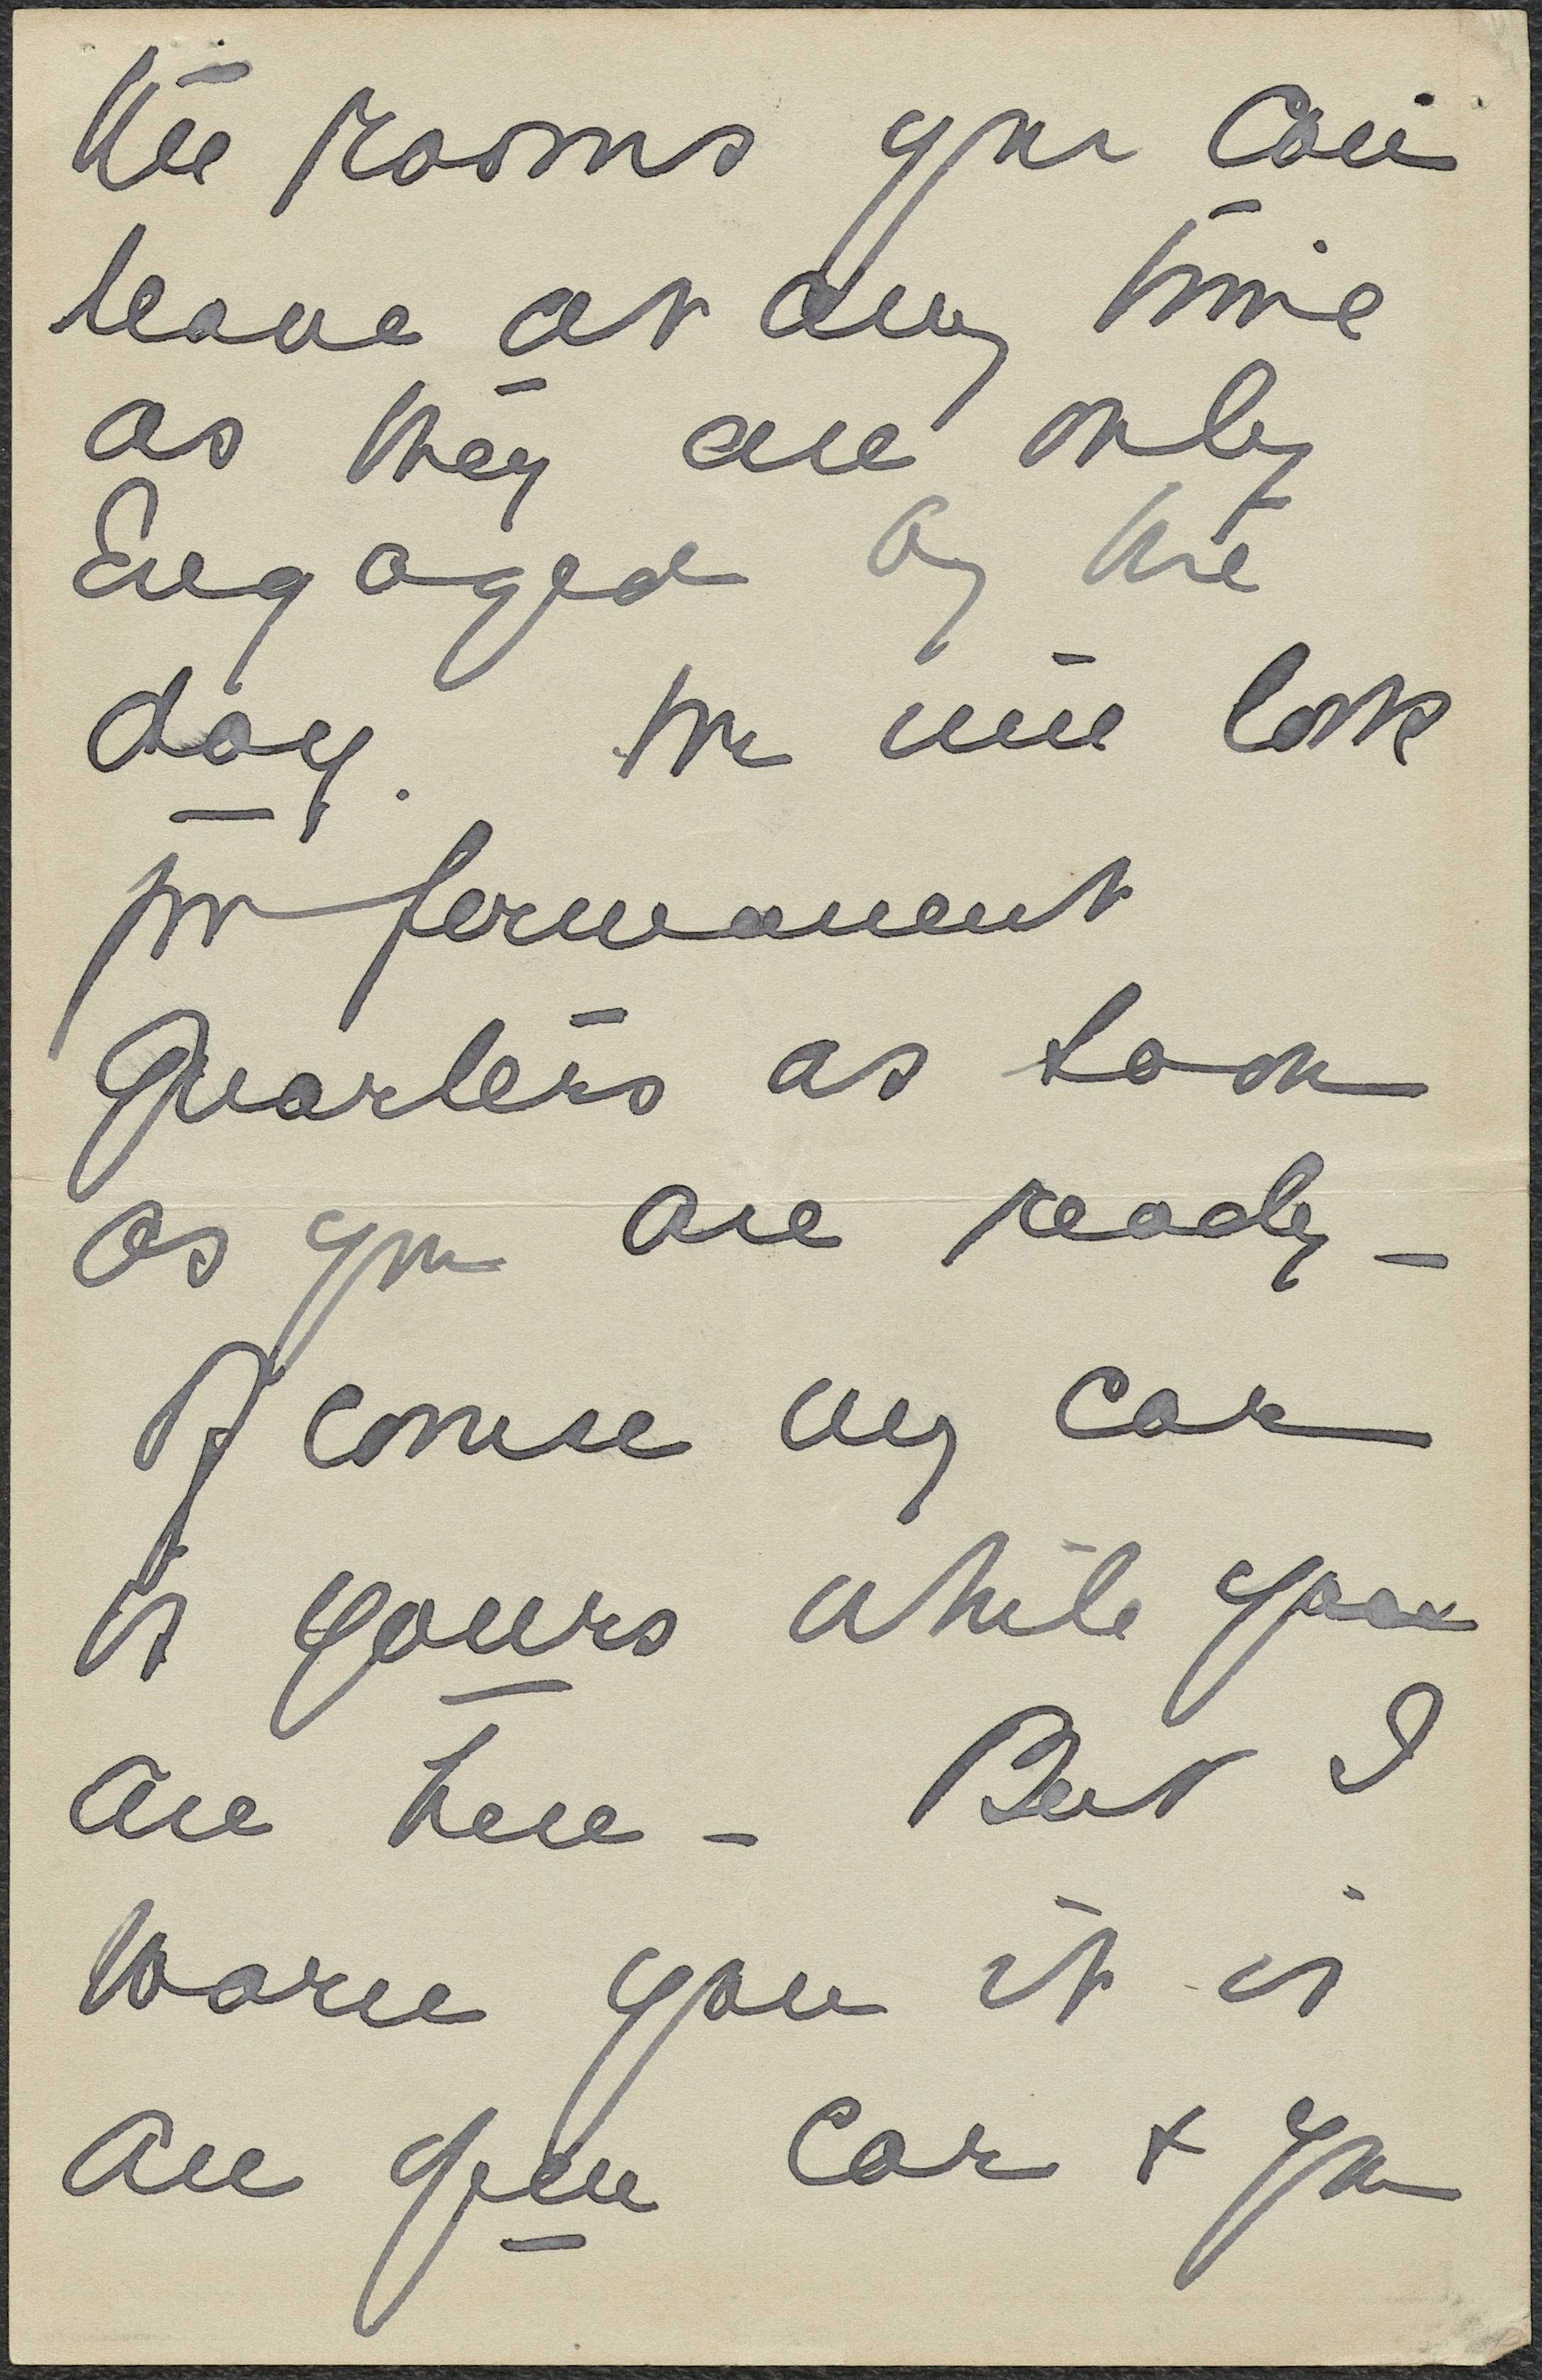the rooms you can leave at any time as they are only engaged by the day. We will look for permanent quarters as soon as you are ready – Of course my car is yours while you are here – But I warn you it is an open car & you